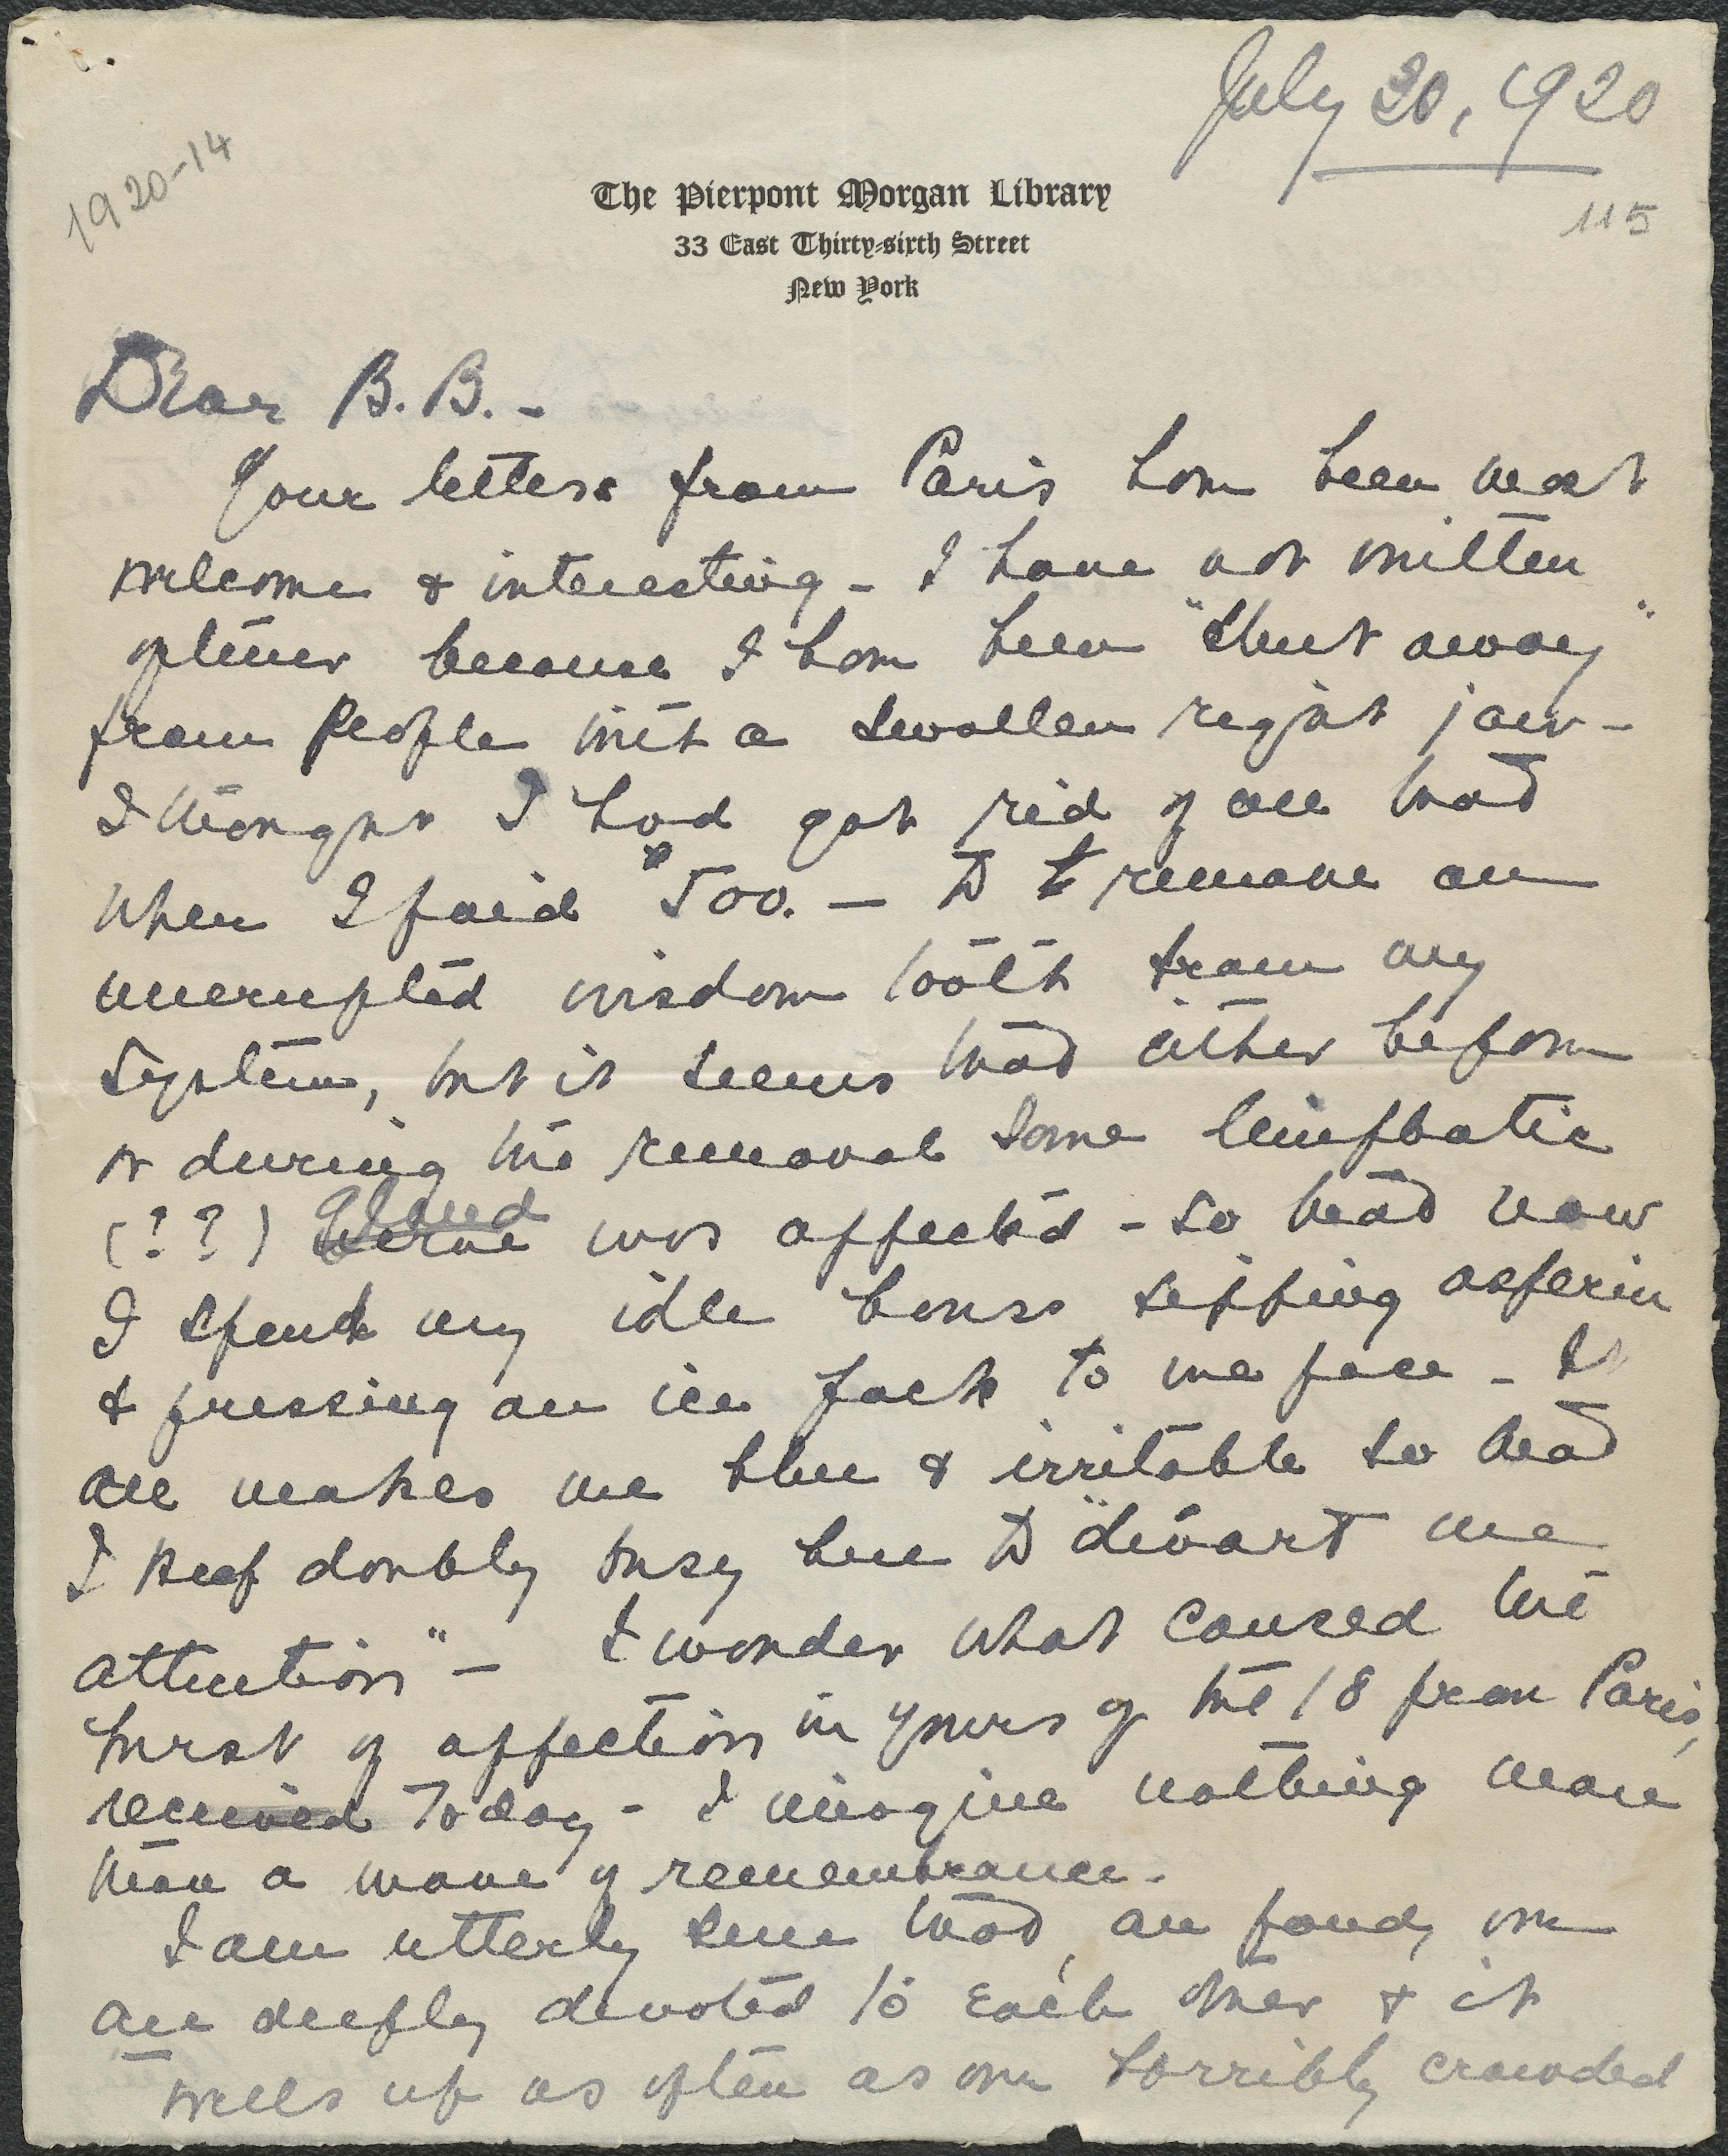July 20, 1920
Dear B.B. –
Your letters from Paris have been most welcome & interesting – I have not written oftener because I have been "shut away" from people with a swollen right jaw – I thought I had got rid of all that when I paid $500. – to t remove an unerupted wisdom tooth from my system, but it seems that either before or during the removal some limphatic (??) nerve [^gland^] was affected – so that now I spend my idle hours sipping asperin [sic] & pressing an ice pack to me face – It all makes me blue & irritable so that I keep doubly busy here to "divart me attention" – I wonder what caused the burst of affection in yours of the 18 from Paris, received today – I imagine nothing more than a wave of remembrance.
I am utterly sure that, au fond, we are deeply devoted to each other & it wells up as often as our horribly crowded